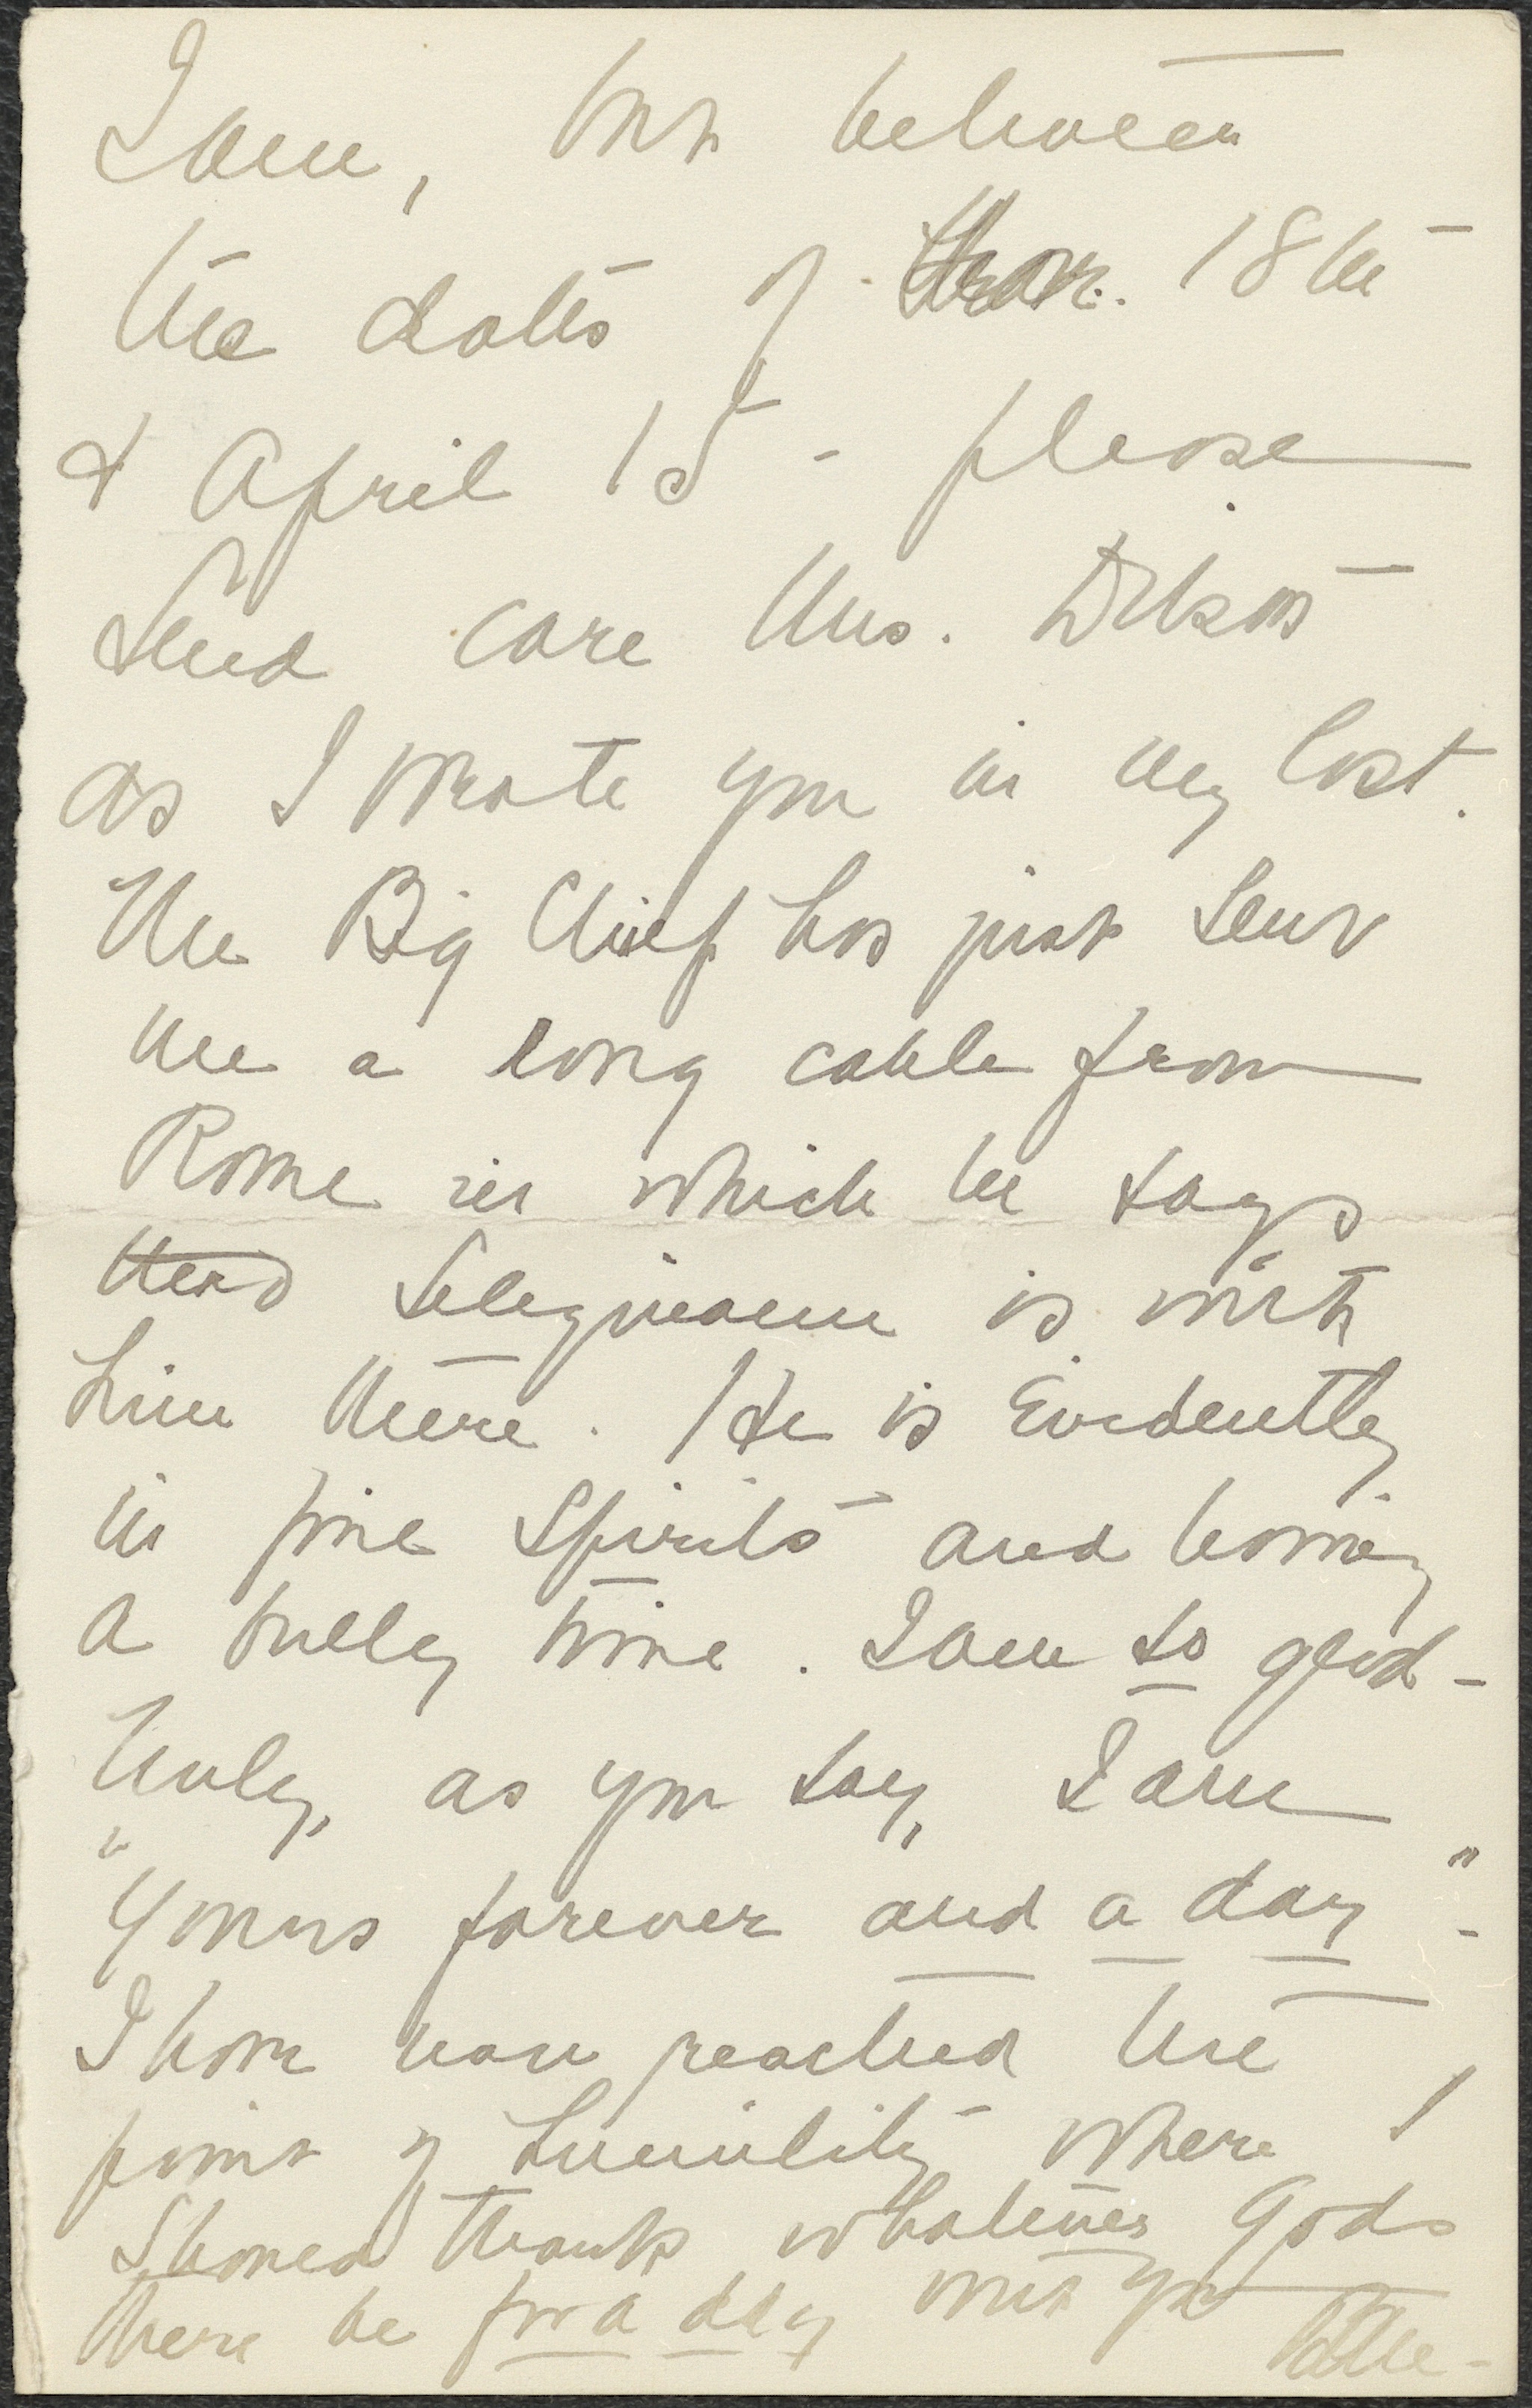I am, but between the dates of Mar. 18th & April 15 – please send care Mrs. Ditson as I wrote you in my last. The Big Chief has just sent me a long cable from Rome in which he says that Seligmann is with him there. He is evidently in fine spirits and having a bully time. I am so glad – truly, as you say, I am “yours forever and a day” – I have now reached the point of humility where I should thank whatever Gods there be for a day with you
Belle–